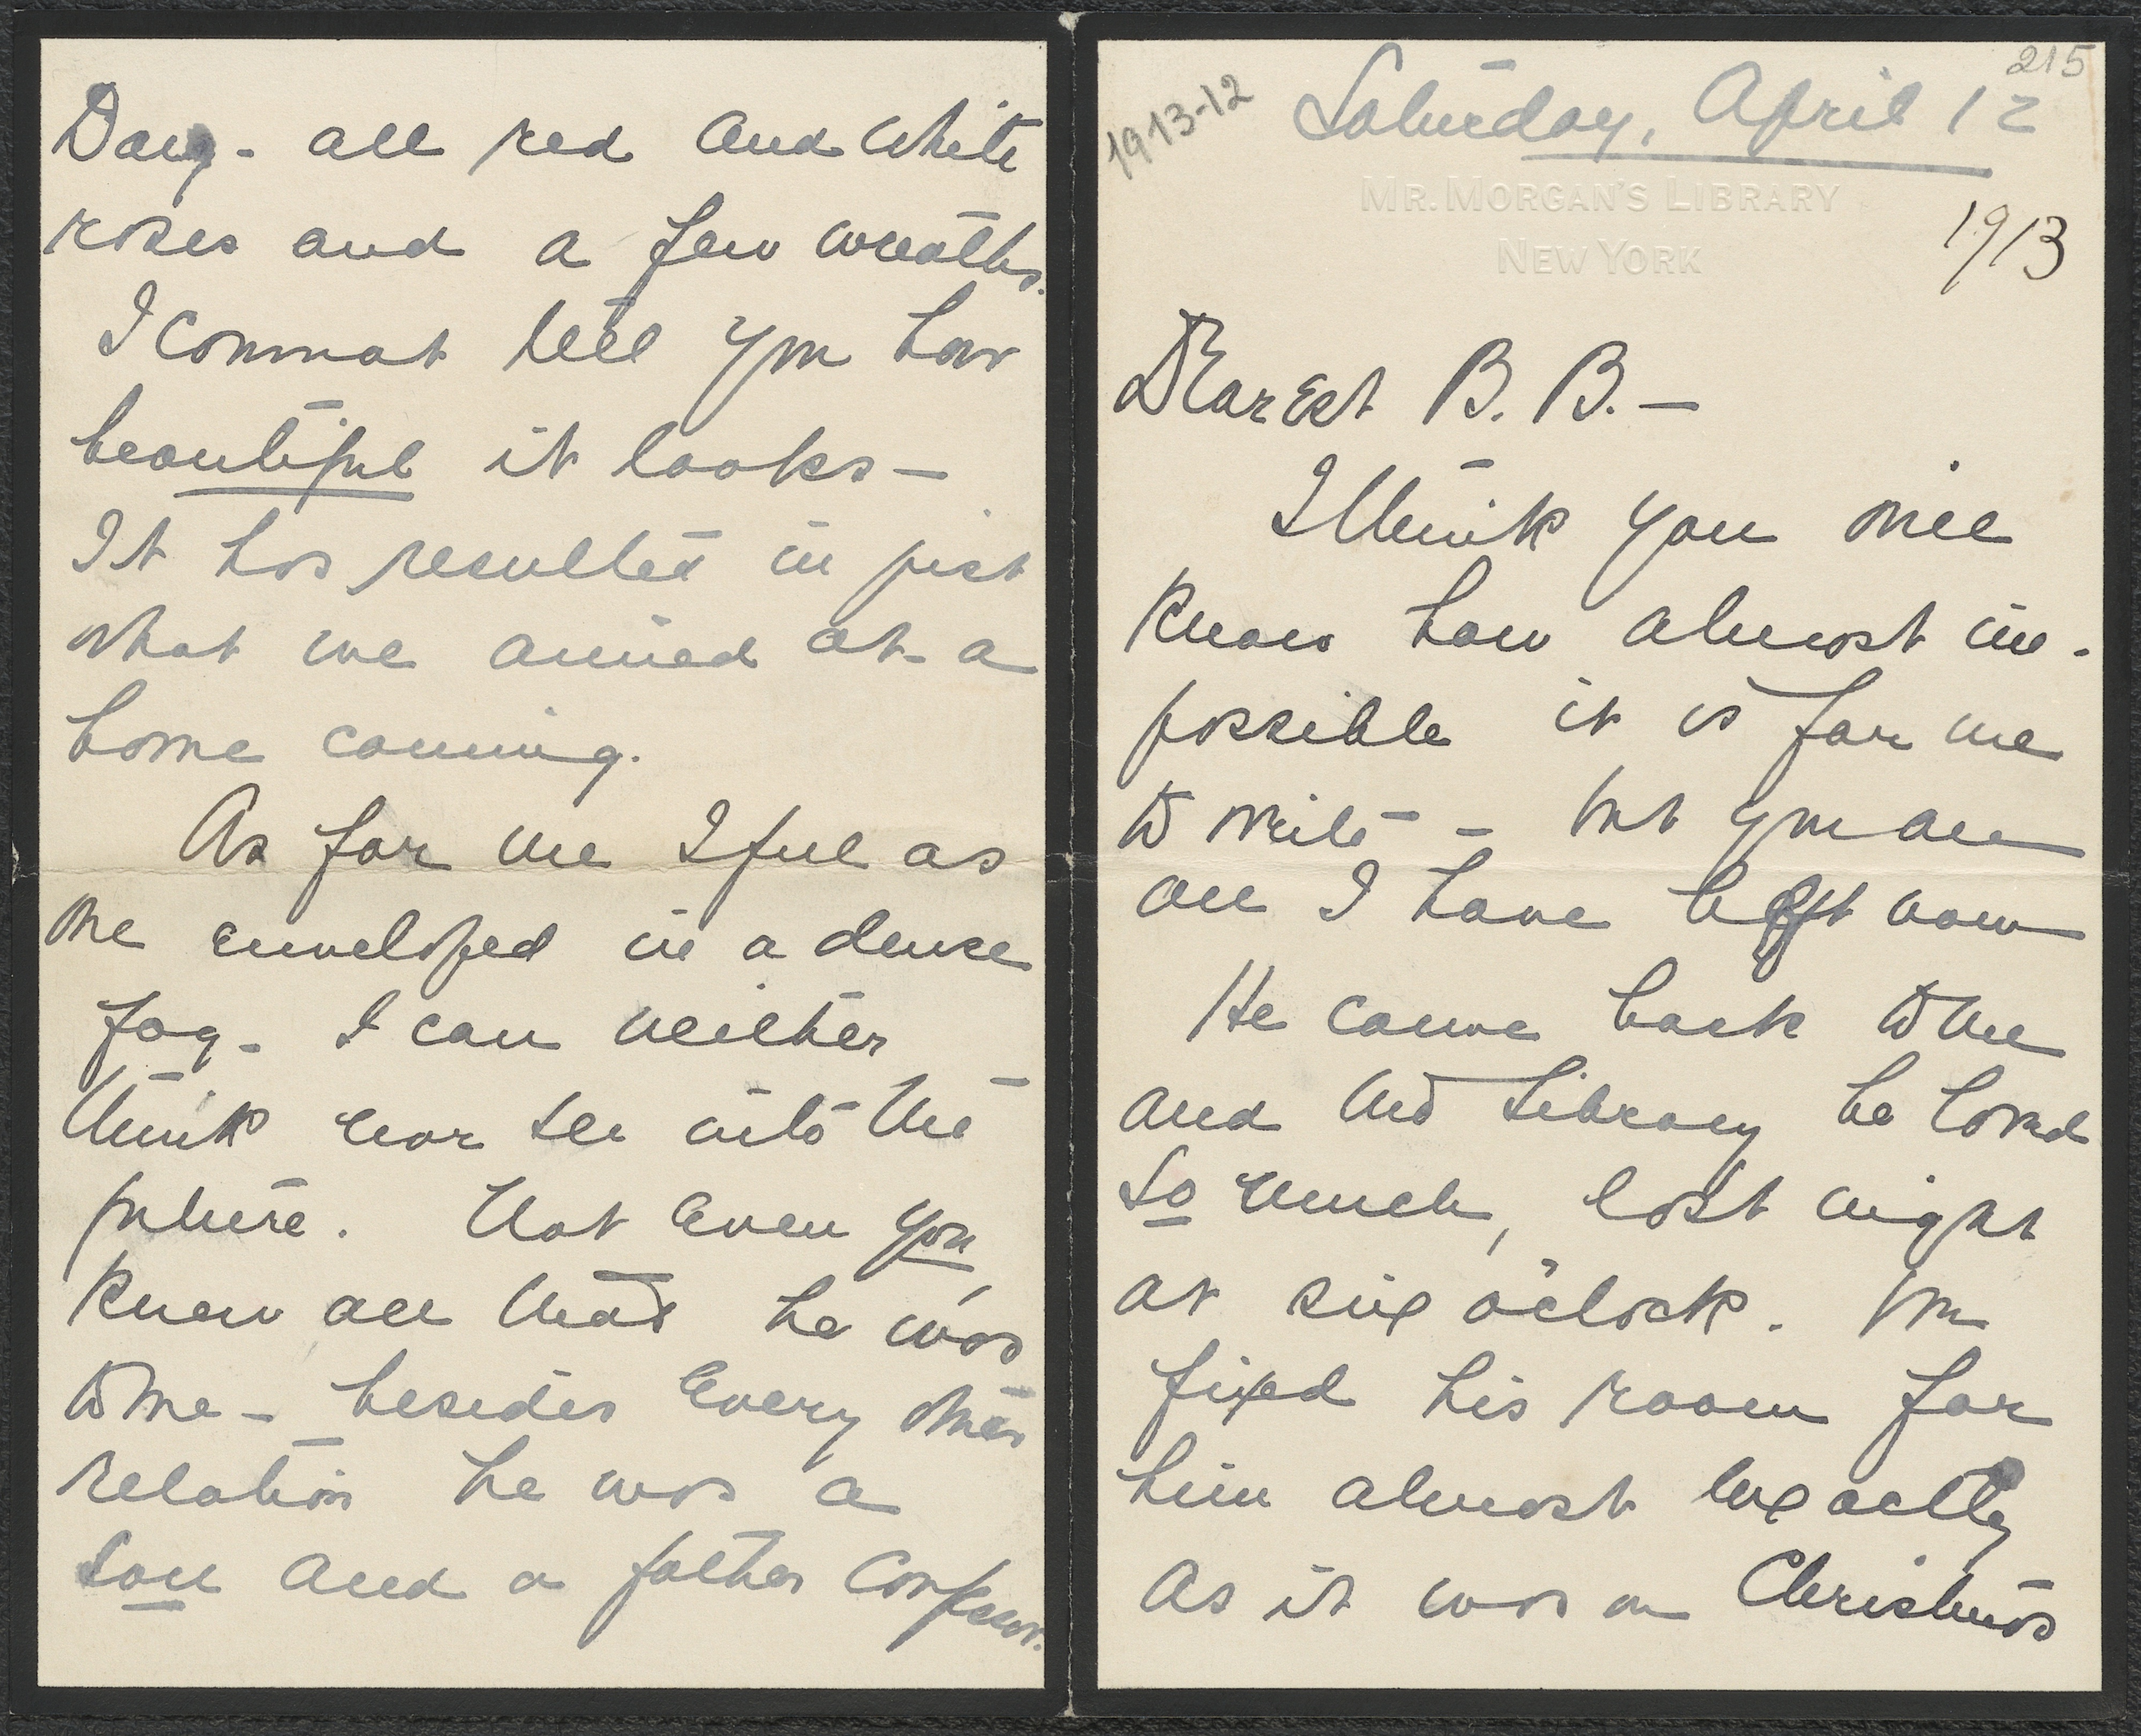Saturday, April 12
Dearest B. B. –
I think you will know how almost impossible it is for me to write – but you are all I have left now
He came back to me and the Library he loved so much, last night at six o’clock. We fixed his room for him almost exactly as it was on Christmas
Day – all red and white roses and a few wreaths. I cannot tell you how beautiful it looks – It has resulted in just what we aimed at – a home coming.
As for me I feel as one enveloped in a dense fog – I can neither think nor see into the future. Not even you, knew all that he was to me – besides every other relation he was a son and a father confessor.